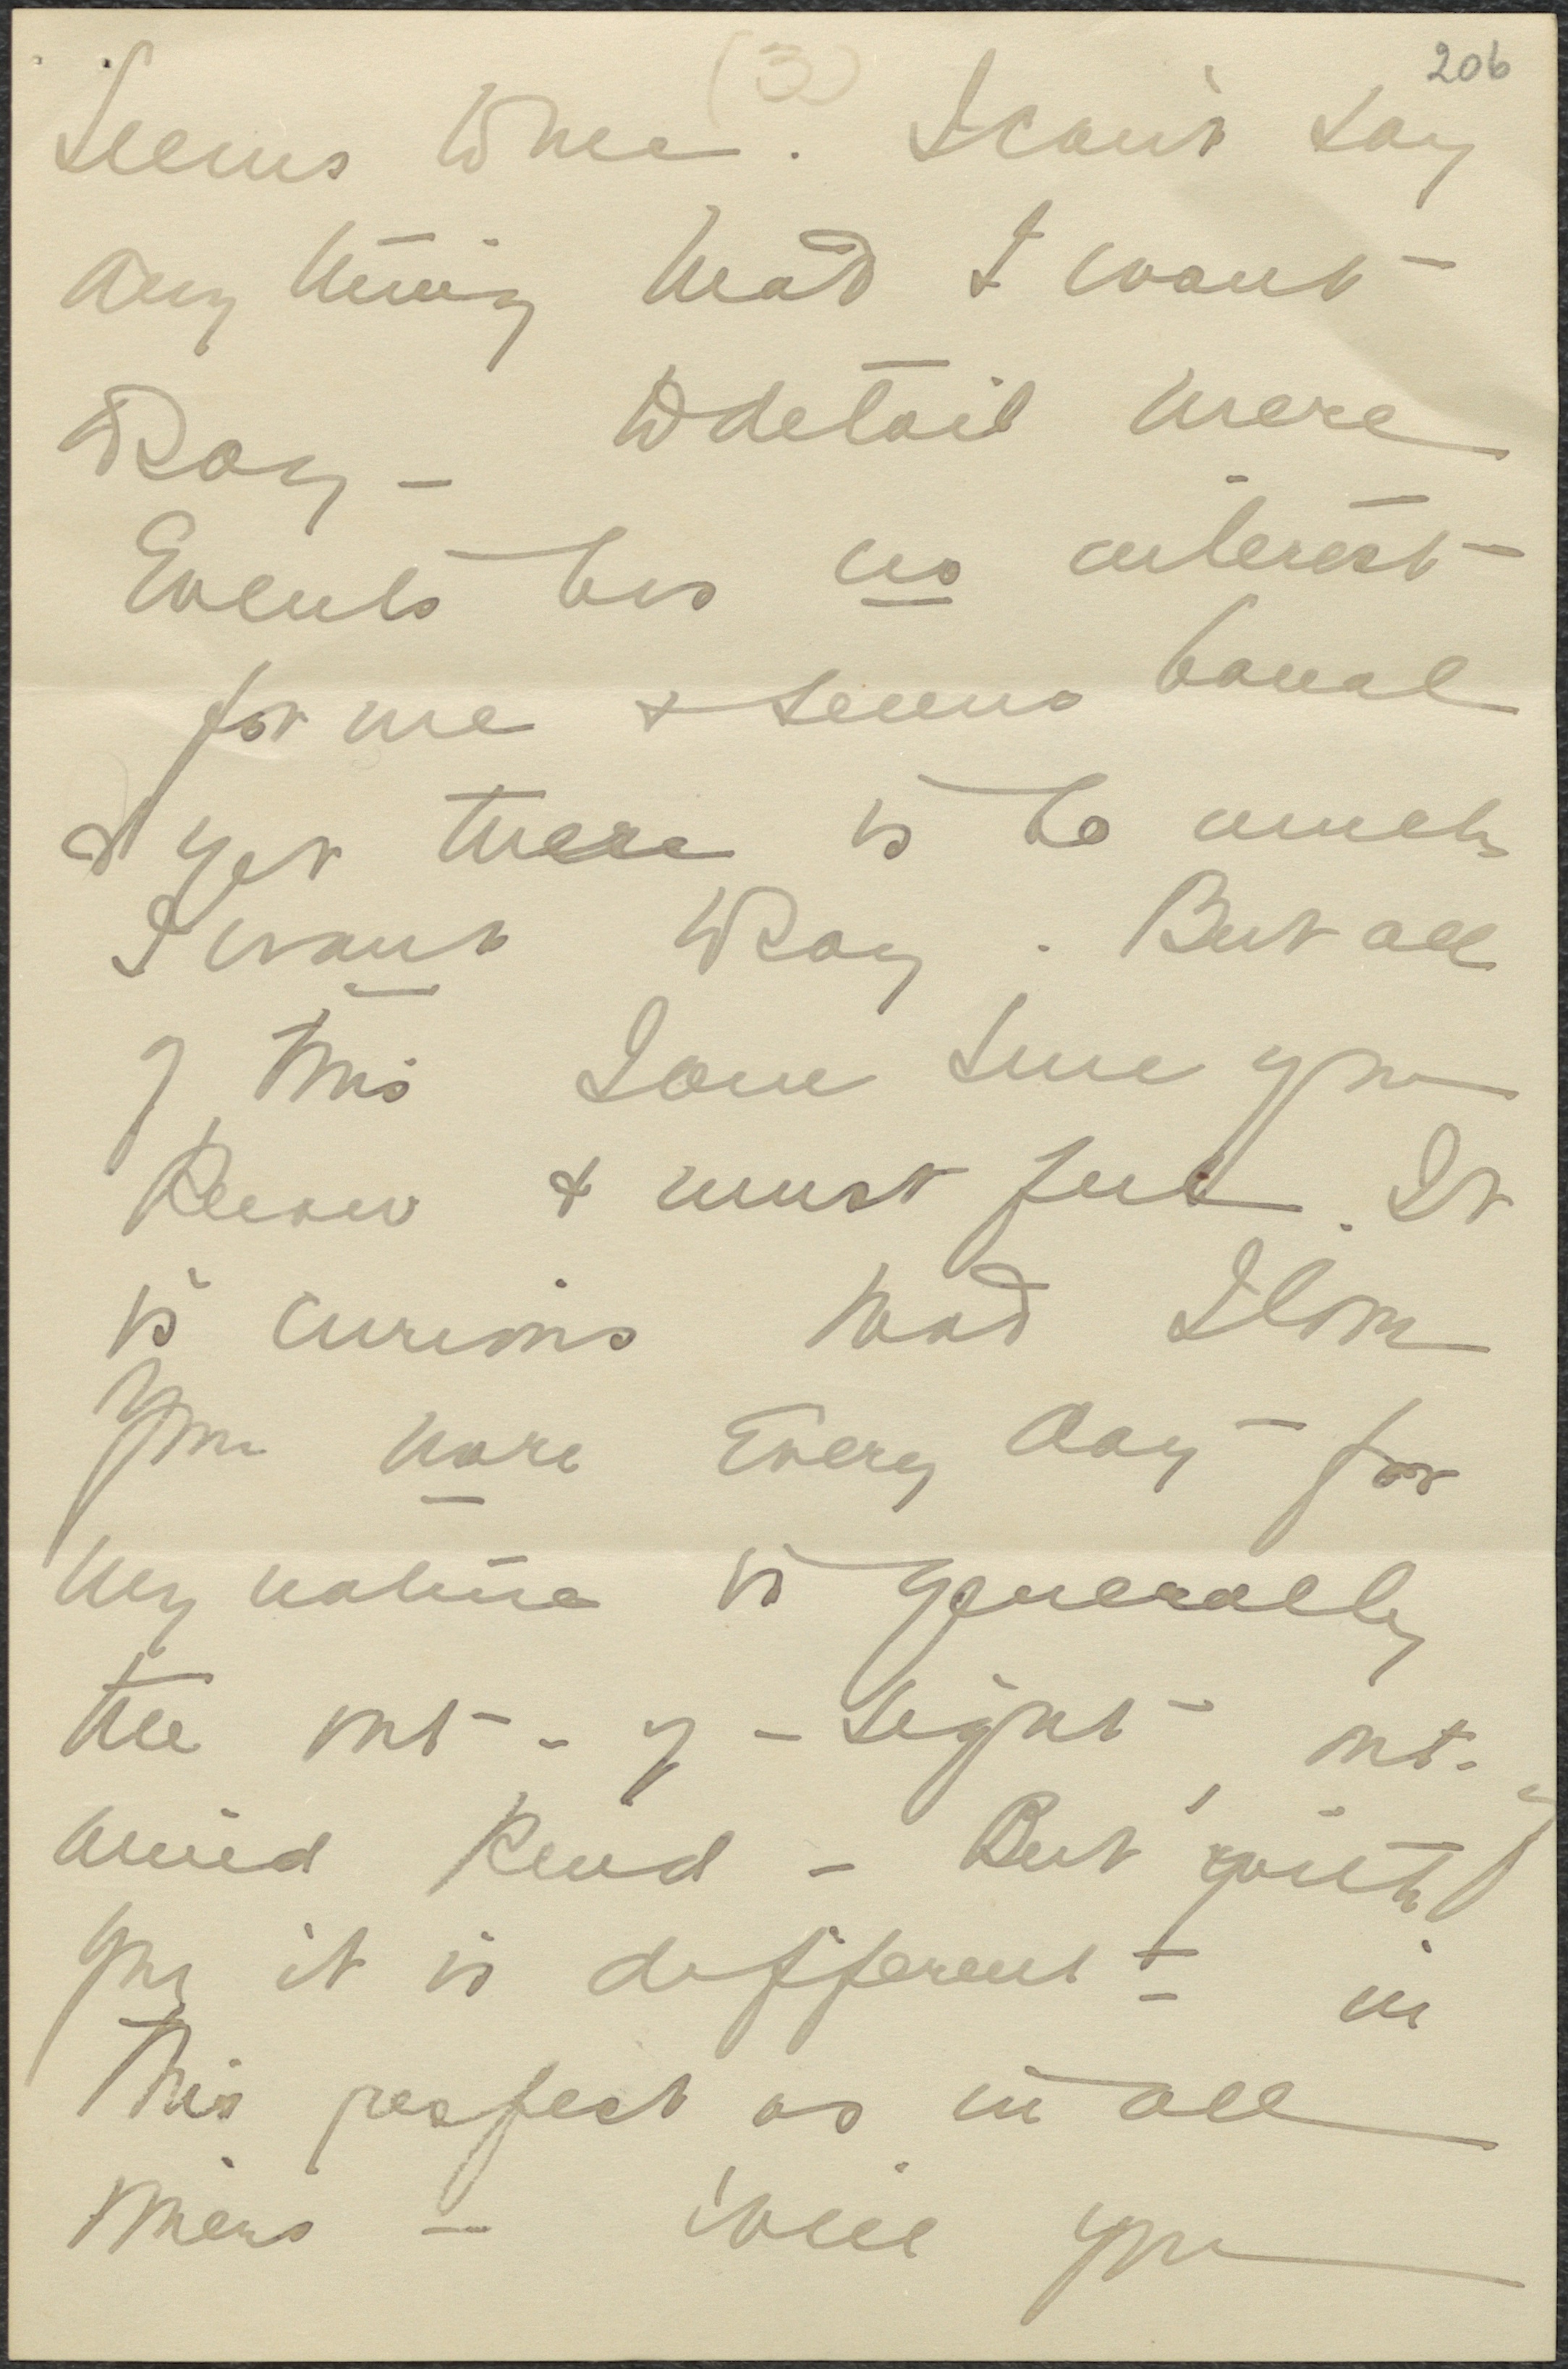(3)
seems to me. I can’t say any thing that I want to say – to detail mere events has no interest for me & seems banal & yet there is so much I want to say. But all of this I am sure you know & must feel. It is curious that I love you more every day – for my nature is generally the out-of-sight, out-of mind kind – But with you it is different – in this respect as in all others – Will you